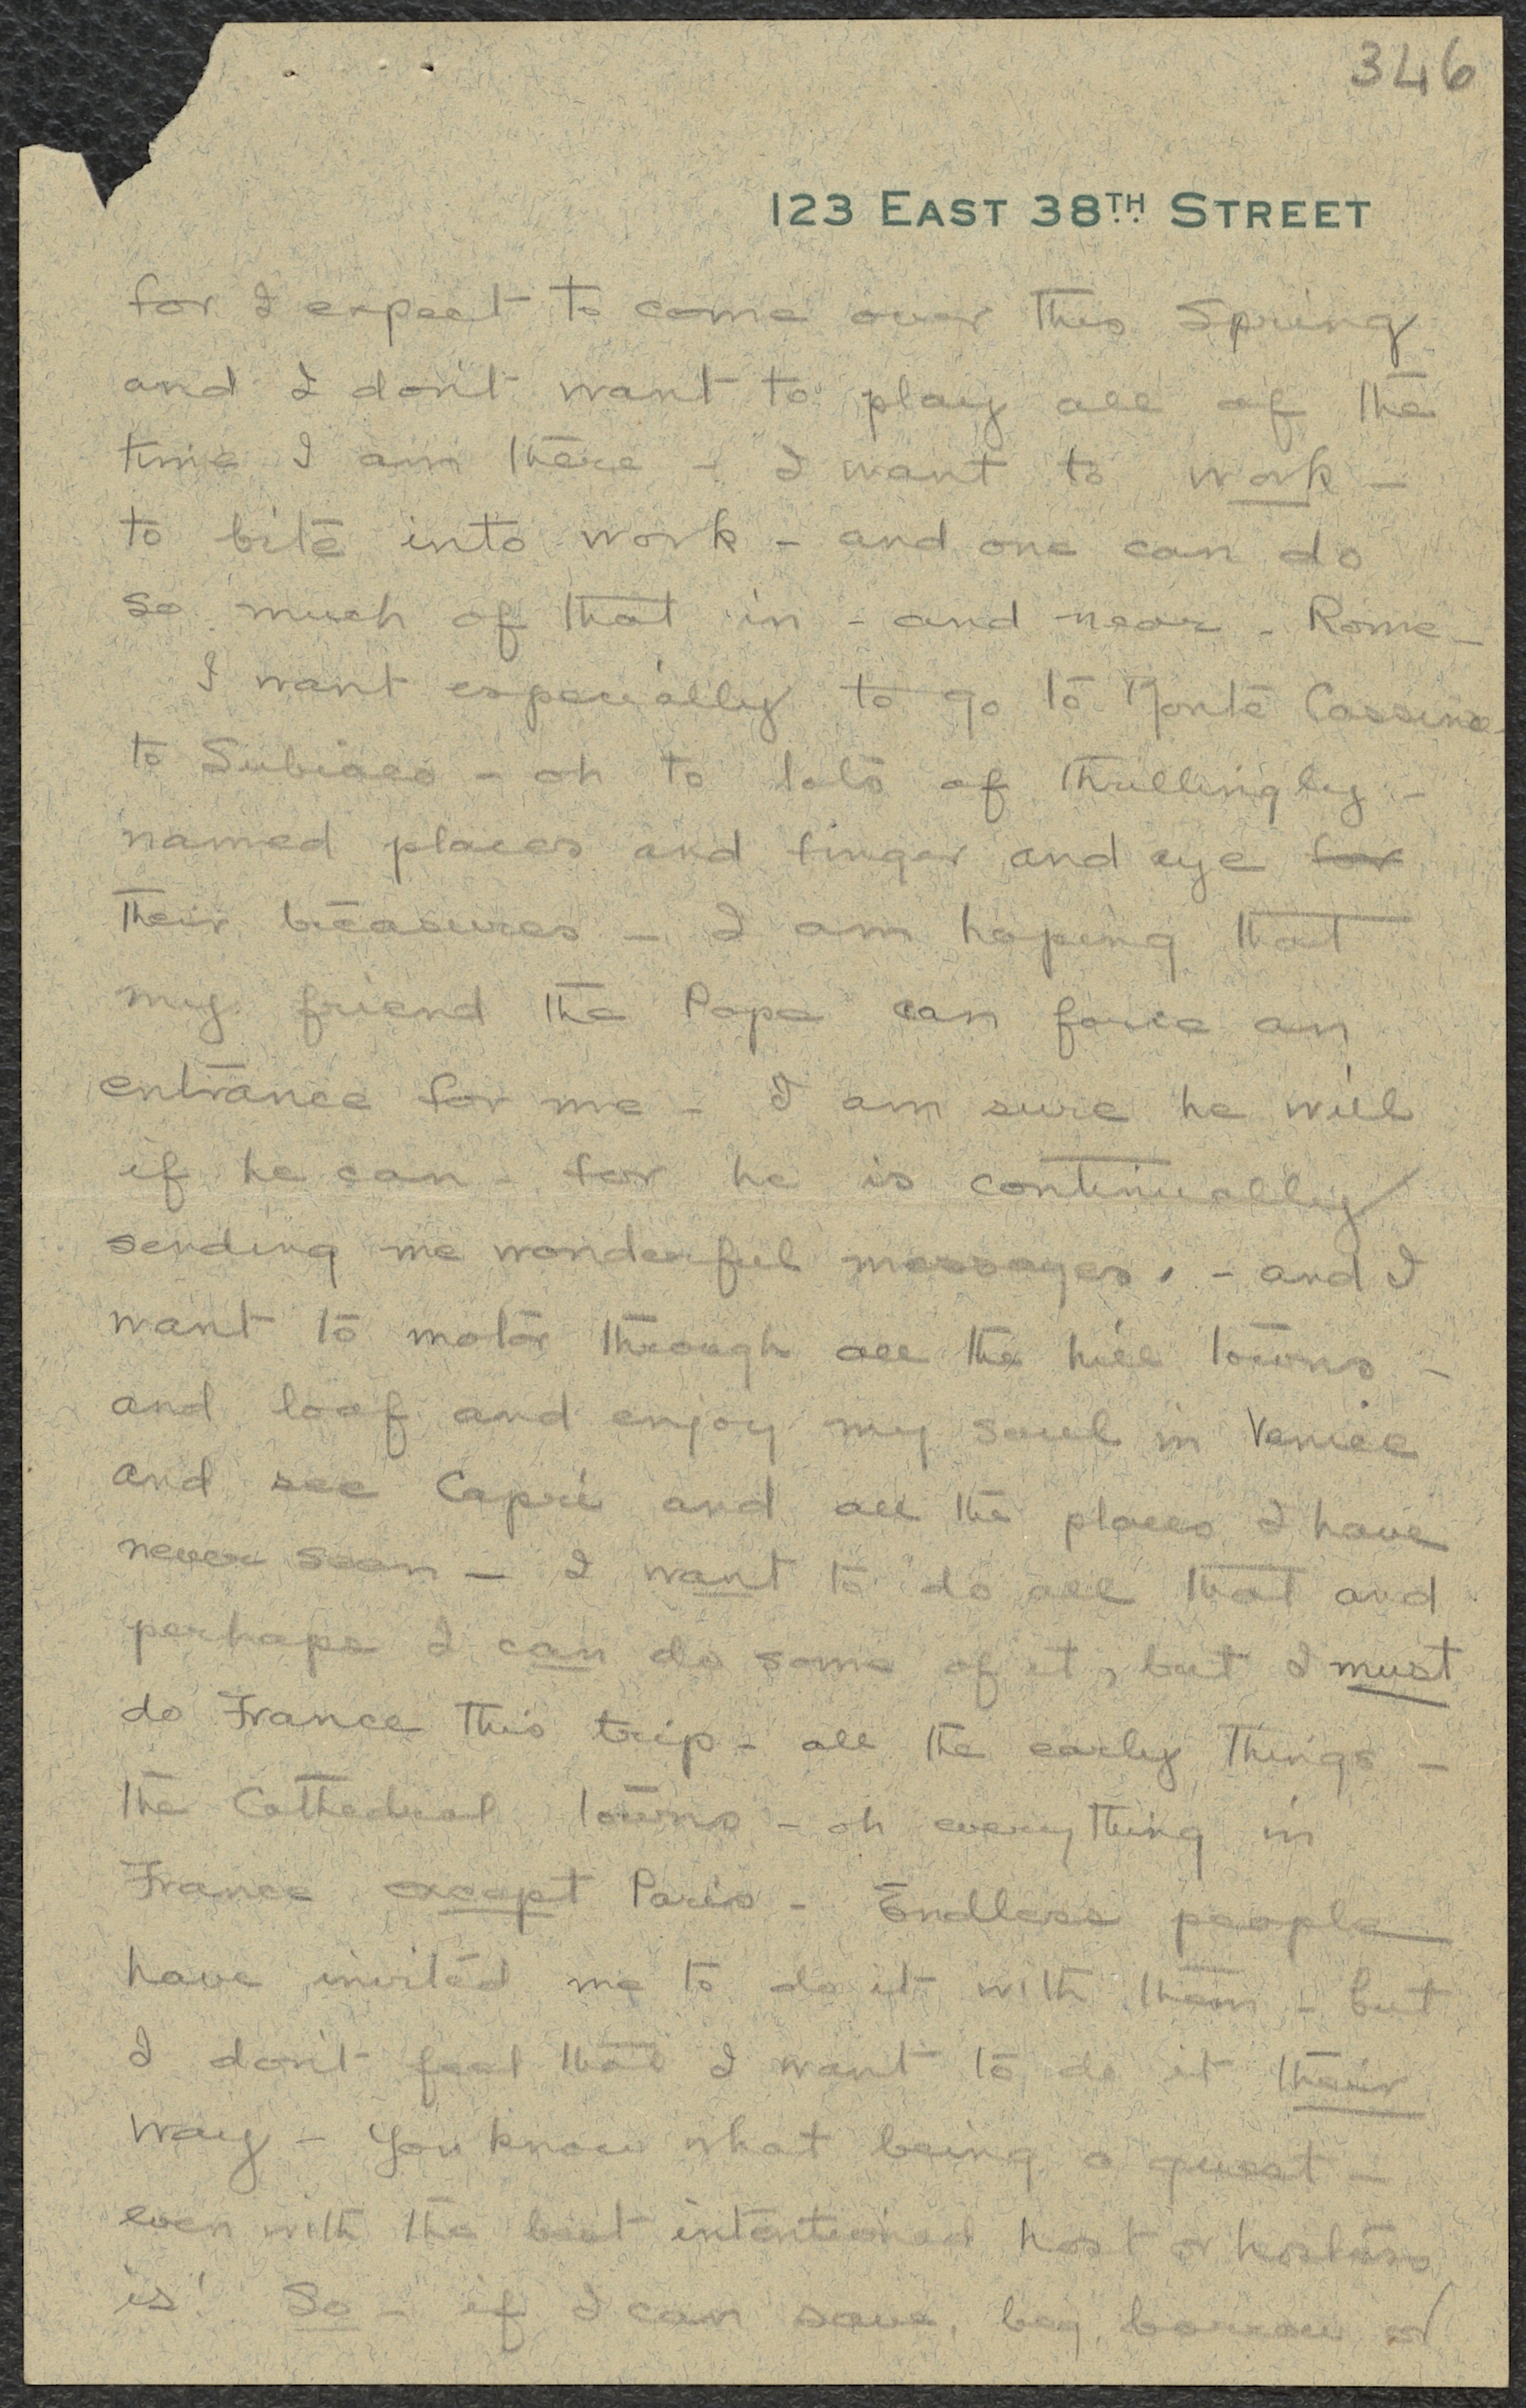for I expect to come over this Spring and I don’t want to play all of the time I am there – I want to work – to bite into work – and one can do so much of that in – and near – Rome –
I want especially to go to Monte Cassino to Subiaco – oh to lots of thrillingly-named places and finger and eye for their treasures – I am hoping that my friend the Pope can force an entrance for me – I am sure he will if he can – for he is continually sending me wonderful messages, – and I want to motor through all the hill towns – and loaf and enjoy my soul in Venice and see Capri and all the places I have never seen – I want to do all that and perhaps I can do some of it, but I must do France this trip – all the early things – the Cathedral towns – oh everything in France except Paris – Endless people have invited me to do it with them – but I don’t feel that I want to do it their way – you know what being a guest – even with the best intentioned host or hostess is! So – if I can save, beg, borrow or